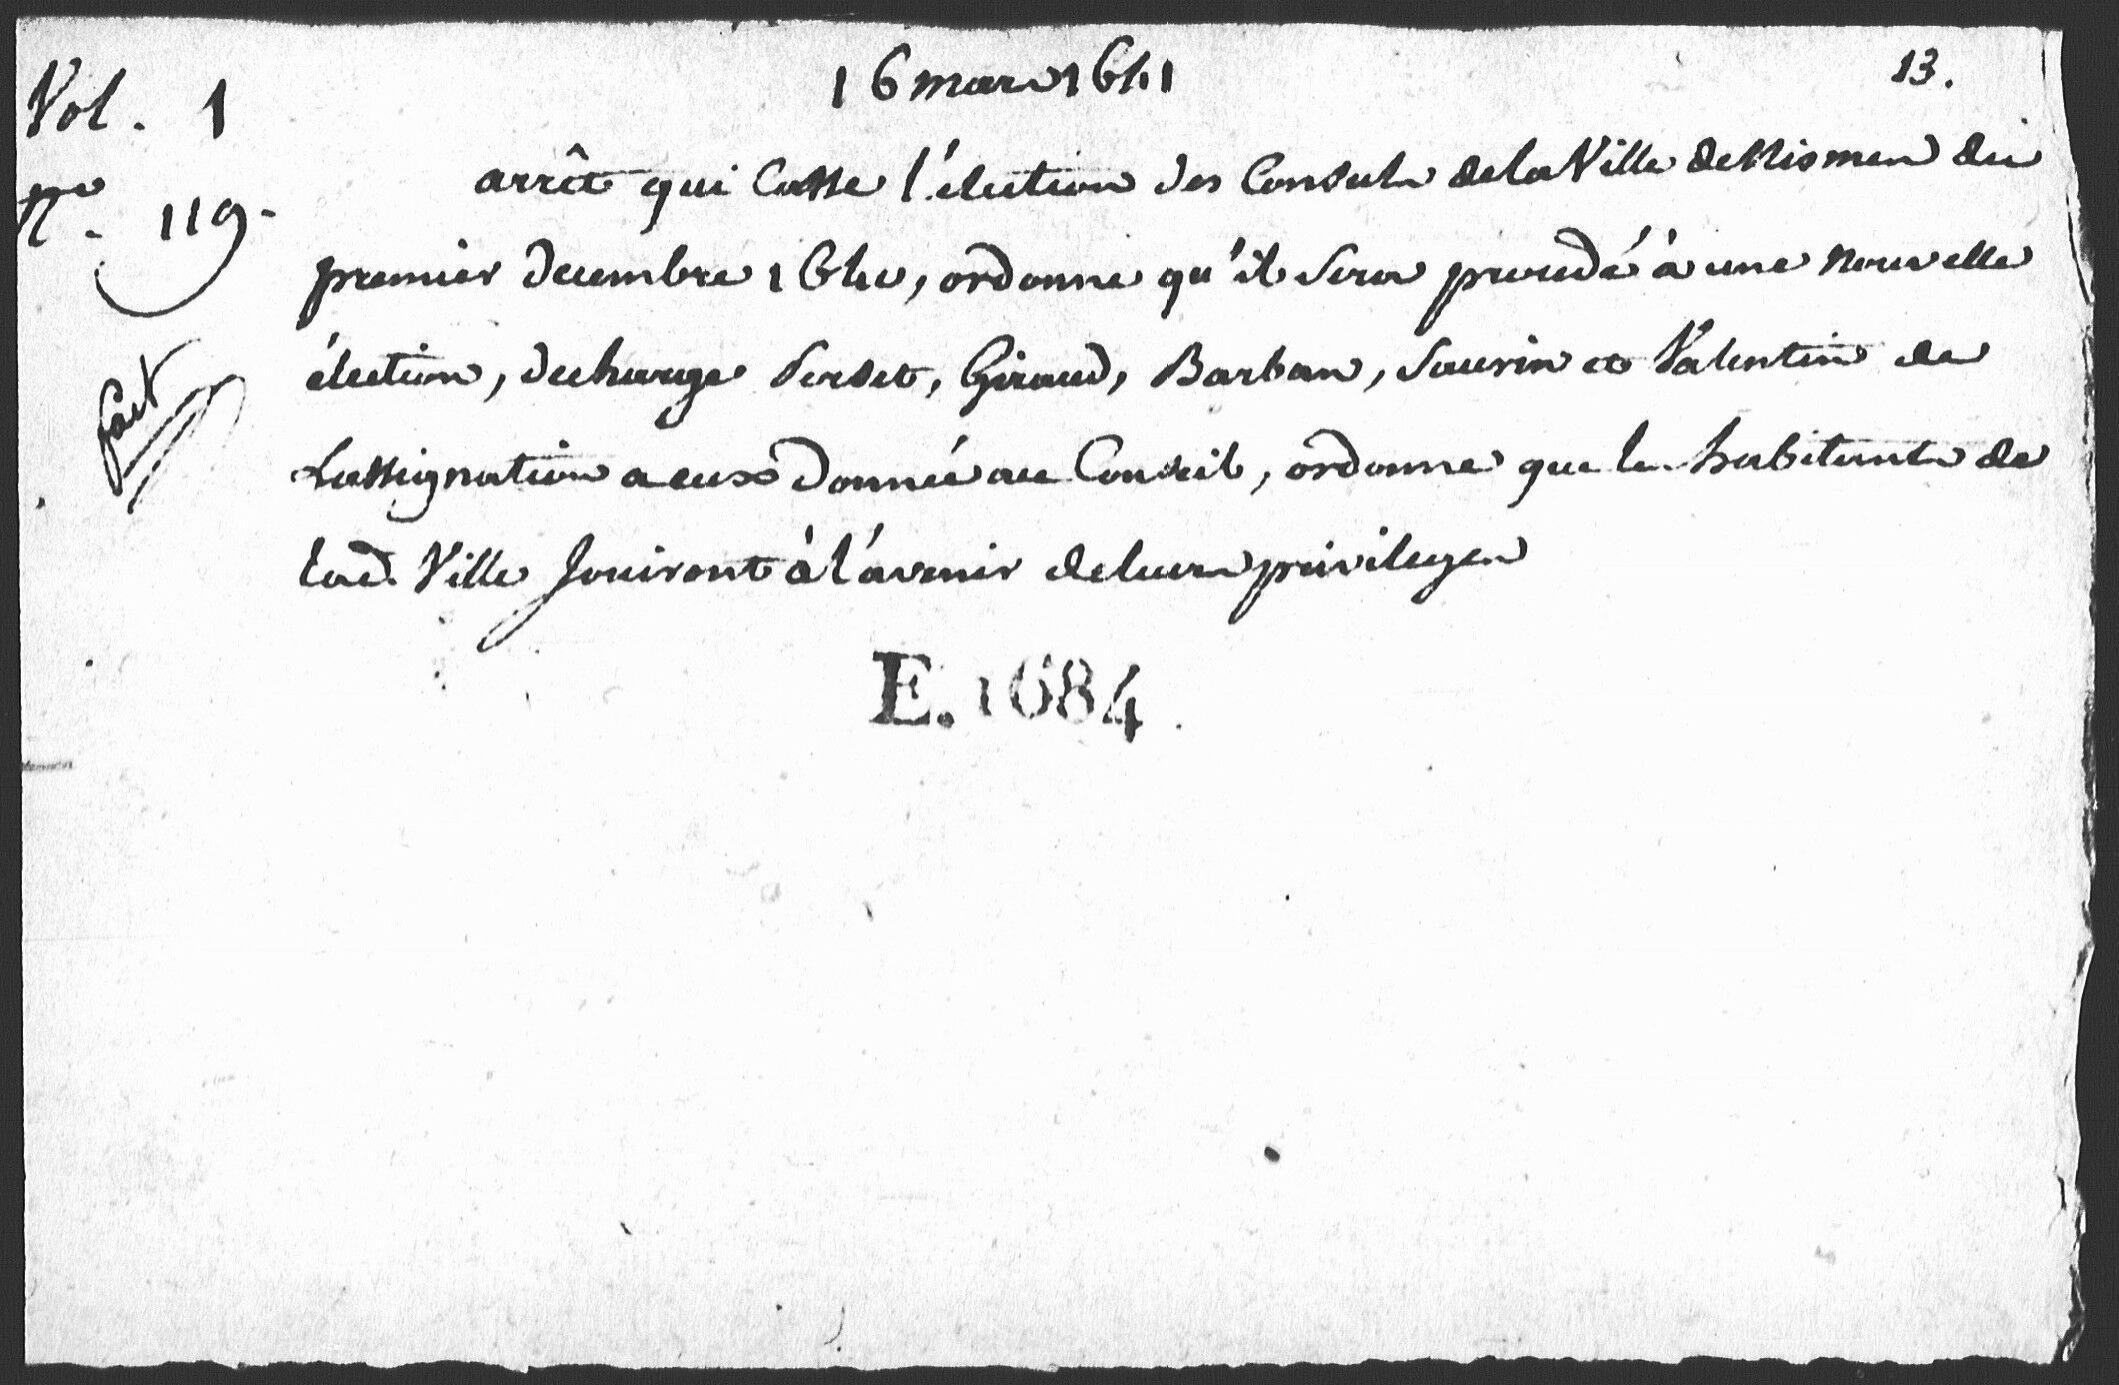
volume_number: n° 119
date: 16 mars 1641
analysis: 13
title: Arrêt qui casse l'élection des consuls de la ville de Nîmes du premier décembre 1640, ordonne qu'il sera procédé à une nouvelle élection, décharge Perset, Giraud, Barban, Saurin et Valentin de l'assignation à eux donnée au Conseil, ordonne que les habitants de ladite ville jouiront à l'avenir de leurs privilèges.
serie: E
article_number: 1684
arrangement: Volume 1
